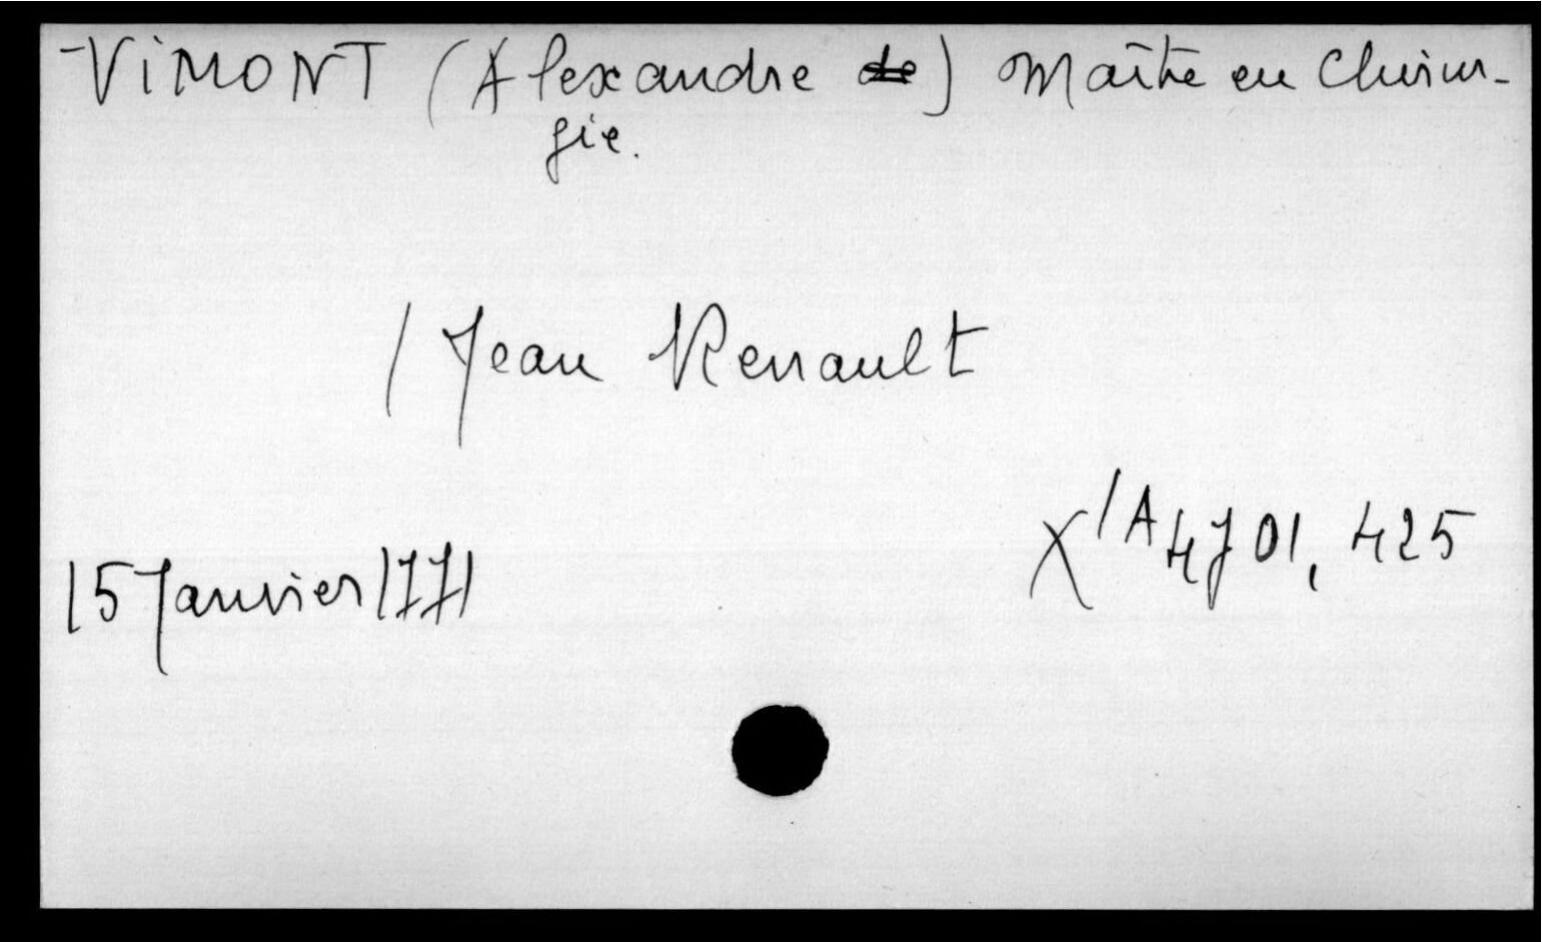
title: VIMONT (Alexandre) maître en Chirurgie
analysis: Contre Jean Renault
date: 15 janvier 1771
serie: X1A
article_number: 4701
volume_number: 425
